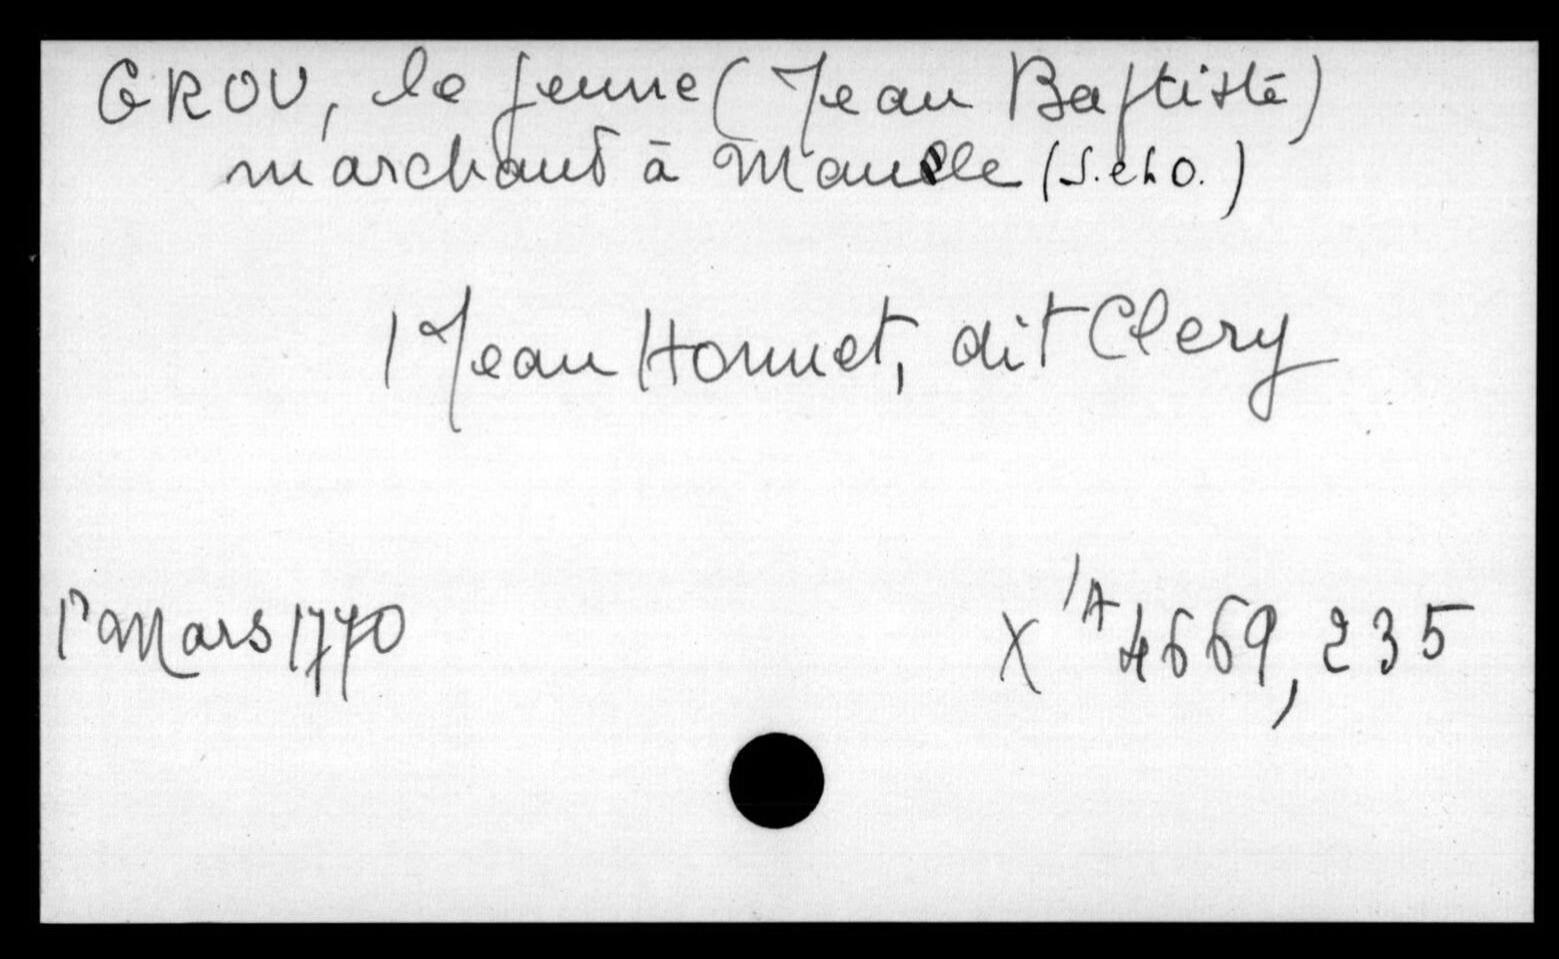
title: GROU, le jeune (Jean-Baptiste) marchand
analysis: Contre Jean Honnet, dit Clery
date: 1er mars 1770
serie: X1A
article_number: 4669
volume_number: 235
